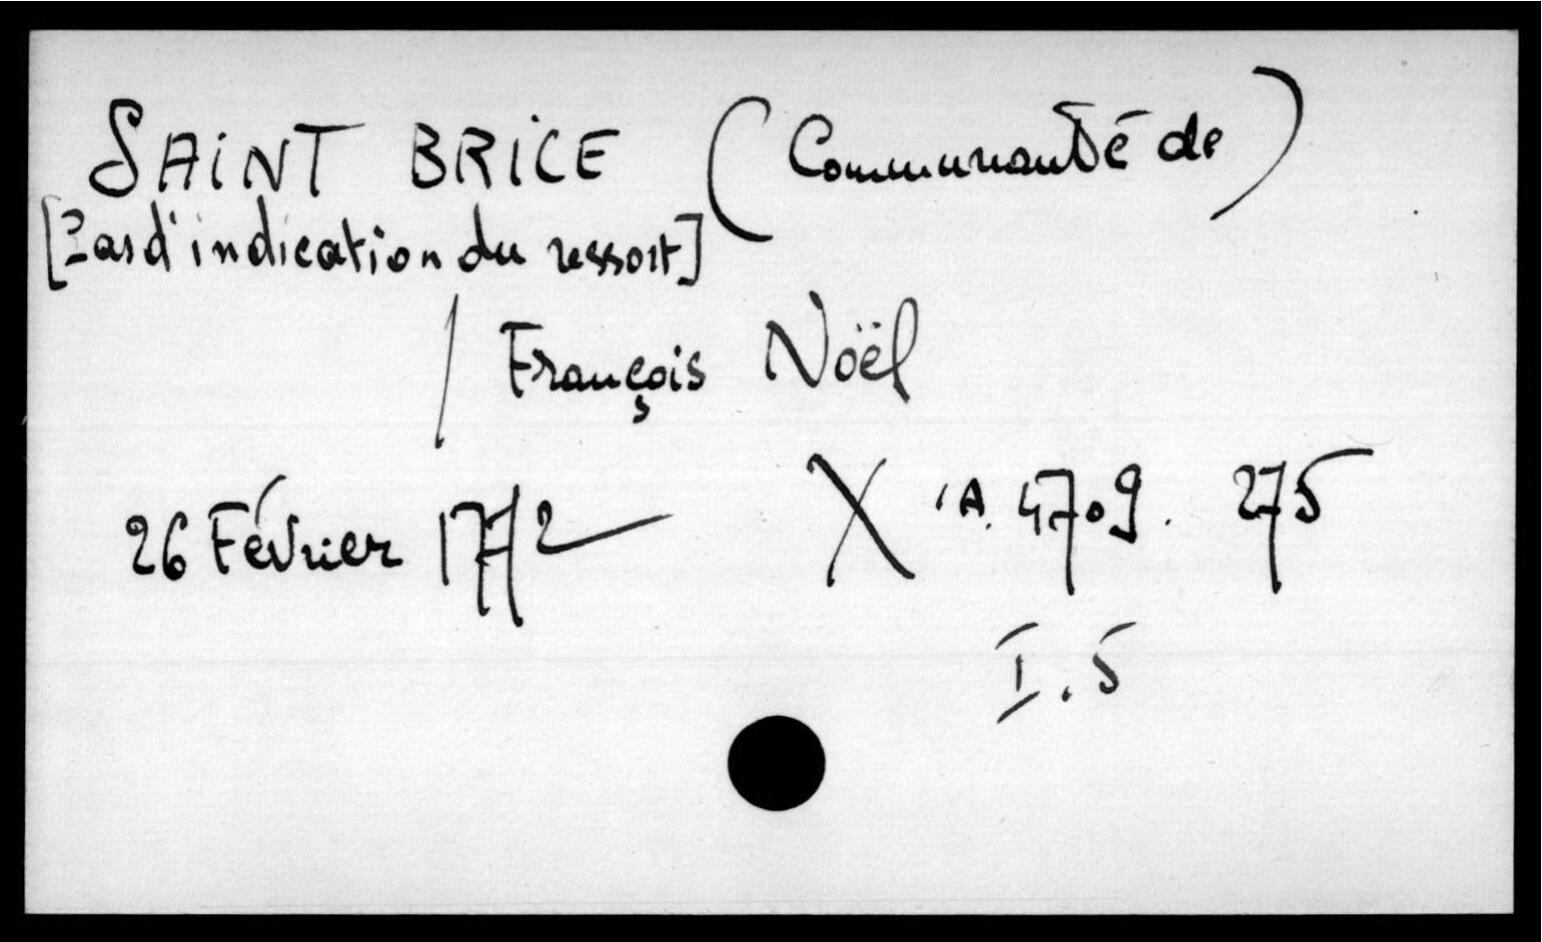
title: SAINT BRICE (Communauté de) [Par l'indication du ressort]
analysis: Contre François Noël
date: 26 février 1772
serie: X1A
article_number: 4709
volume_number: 275
